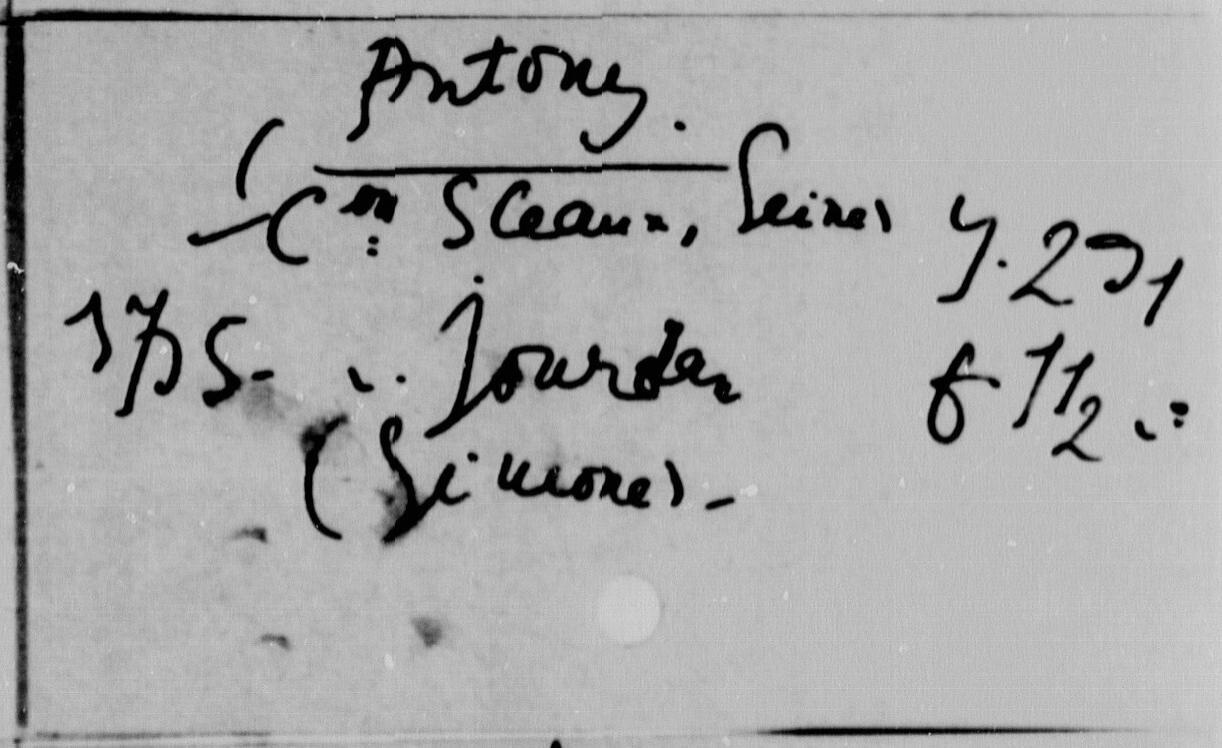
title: ANTONY (canton de Sceaux, département de la Seine)
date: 1705
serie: Y
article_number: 291
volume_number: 112v
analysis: Voir JOURDAN (Simone)
